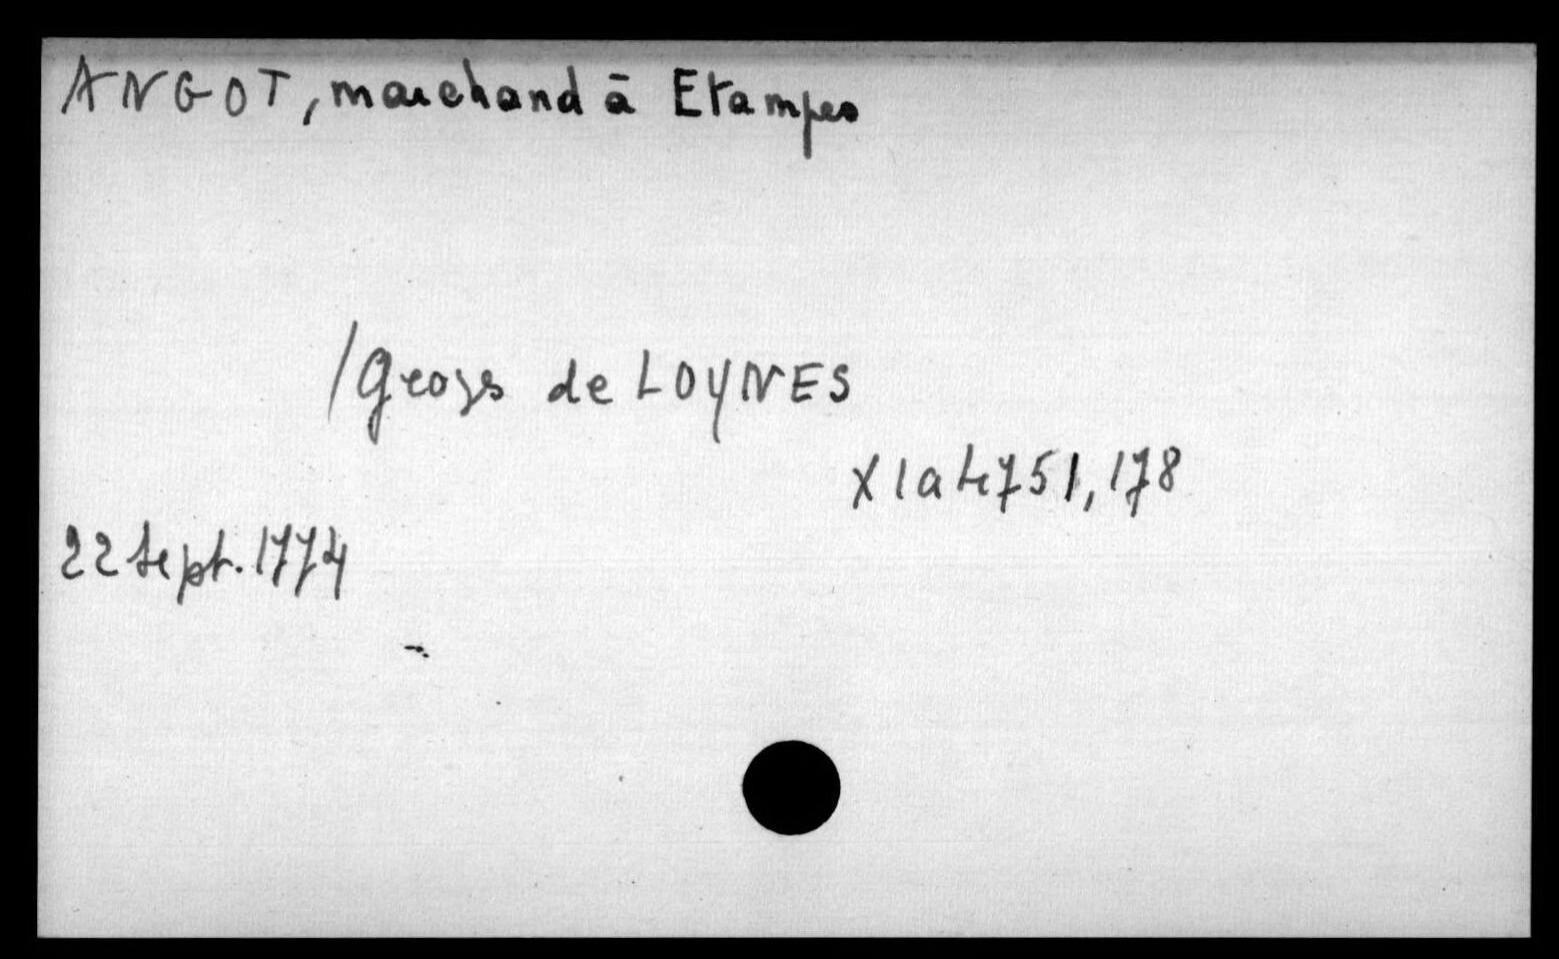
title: ANGOT, marchand à Etampes
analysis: Contre Georges de LOYNES
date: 22 septembre 1774
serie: X1a
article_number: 4751
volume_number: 178
